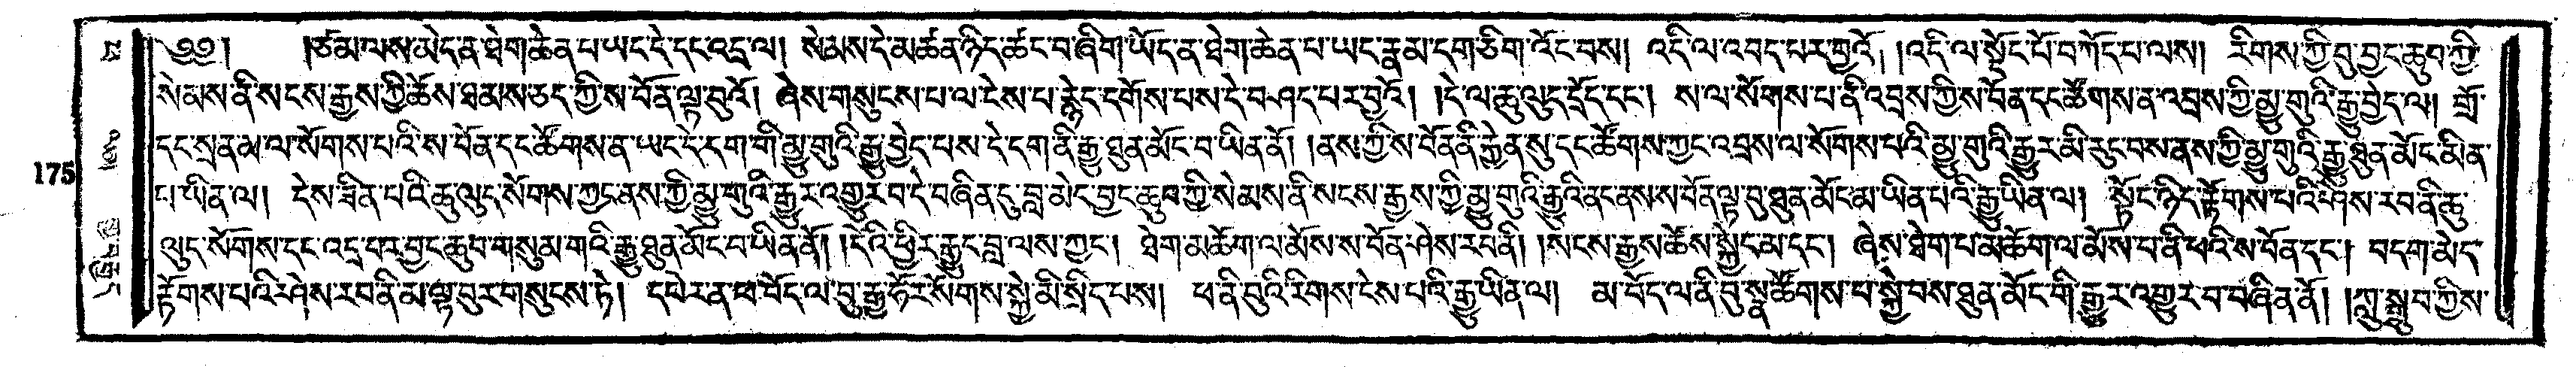༄༅། །ཙམ་ལས་མེད་ན་ཐེག་ཆེན་པ་ཡང་དེ་དང་འདྲ་ལ། སེམས་དེ་མཚན་ཉིད་ཚང་བ་ཞིག་ཡོད་ན་ཐེག་ཆེན་པ་ཡང་རྣམ་དག་ཅིག་འོང་བས། འདི་ལ་འབད་པར་གྱའོ། །འདི་ལ་སྡོང་པོ་བཀོད་པ་ལས། རིགས་ཀྱི་བུ་བྱང་ཆུབ་ཀྱི་
སེམས་ནི་སངས་རྒྱས་ཀྱི་ཆོས་ཐམས་ཅད་ཀྱི་ས་བོན་ལྟ་བུའོ། ཞེས་གསུངས་པ་ལ་ངེས་པ་རྙེད་དགོས་པས་དེ་བཤད་པར་བྱའོ། །དེ་ལ་ཆུ་ལུད་དྲོད་དང་། ས་ལ་སོགས་པ་ནི་འབྲས་ཀྱི་ས་བོན་དང་ཚོགས་ན་འབྲས་ཀྱི་མྱུ་གུའི་རྒྱུ་བྱེད་ལ། གྲོ་
དང་སྲན་མ་ལ་སོགས་པའི་ས་བོན་དང་ཚོགས་ན་ཡང་དེ་དག་གི་མྱུ་གུའི་རྒྱུ་བྱེད་པས་དེ་དག་ནི་རྒྱུ་ཐུན་མོང་བ་ཡིན་ནོ། །ནས་ཀྱིས་བོན་ནི་རྐྱེན་སུ་དང་ཚོགས་ཀྱང་འབྲས་ལ་སོགས་པའི་མྱུ་གུའི་རྒྱུར་མི་རུང་བས་ནས་ཀྱི་མྱུ་གུའི་རྒྱུ་ཐུན་མོང་མིན་
པ་ཡིན་ལ། དེས་ཟིན་པའི་ཆུ་ལུད་སོགས་ཀྱང་ནས་ཀྱི་མྱུ་གུའི་རྒྱུར་འགྱུར་བ་དེ་བཞིན་དུ་བླ་མེད་བྱང་ཆུབ་ཀྱི་སེམས་ནི་སངས་རྒྱས་ཀྱི་མྱུ་གུའི་རྒྱུའི་ནང་ནས་ས་བོན་ལྟ་བུ་ཐུན་མོང་མ་ཡིན་པའི་རྒྱུ་ཡིན་ལ། སྟོང་ཉིད་རྟོགས་པའི་ཤེས་རབ་ནི་ཆུ་
ལུད་སོགས་དང་འདྲ་བར་བྱང་ཆུབ་གསུམ་གའི་རྒྱུ་ཐུན་མོང་བ་ཡིན་ནོ། །དེའི་ཕྱིར་རྒྱུད་བླ་ལས་ཀྱང་། ཐེག་མཆོག་ལ་མོས་ས་བོན་ཤེས་རབ་ནི། །སངས་རྒྱས་ཆོས་སྐྱེང་མ་དང་། ཞེས་ཐེག་པ་མཆོག་ལ་མོས་པ་ནི་ཕའི་ས་བོན་དང་། བདག་མེད་
རྟོགས་པའི་ཤེས་རབ་ནི་མ་ལྟ་བུར་གསུངས་ཏེ། དཔེར་ན་ཕ་བོད་ལ་བུ་རྒྱ་ཧོར་སོགས་སྐྱེ་མི་སྲིད་པས། ཕ་ནི་བུའི་རིགས་ངེས་པའི་རྒྱུ་ཡིན་ལ། མ་བོད་ལ་ནི་བུ་སྣ་ཚོགས་པ་སྐྱེ་བས་ཐུན་མོང་གི་རྒྱུར་འགྱུར་བ་བཞིན་ནོ། །ཀླུ་སྒྲུབ་ཀྱིས་